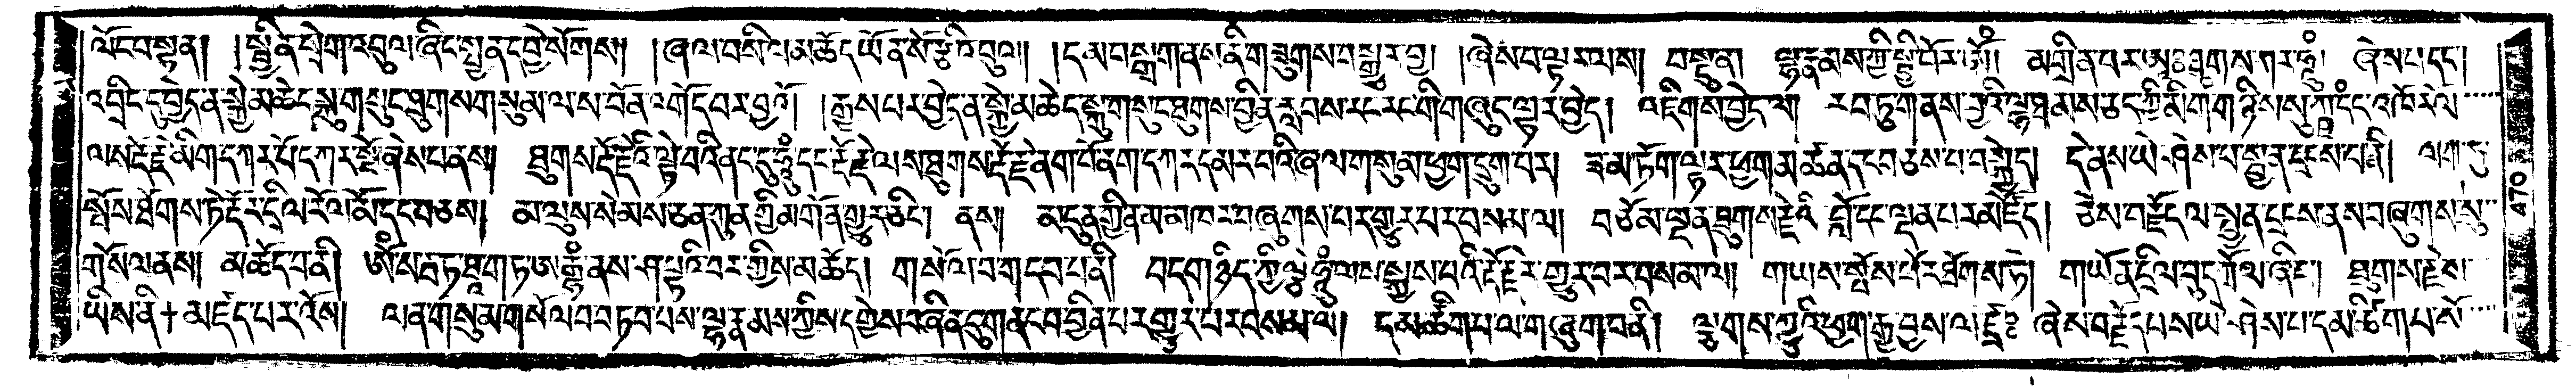ལོང་བསྟན། །སྦྱིན་ཕྲེག་འབུལ་ཞིང་སྤྱན་དབྱེ་སོགས། །ཞལ་བསིལ་མཆོད་ཡོན་སོ་རྩི་འབུམ། །དམ་བསྒྲག་ནས་ནི་གཟུགས་བསྒྱུར་བྱ། །ཞེས་བ་ལྟར་ལས། བསྡུ་ན། ལྷ་རྣམས་ཀྱི་སྦྱིན་པོར་ཨོཾ། མགྲིན་བར་ཨཱཿ ཐགས་ཀར་ཧཱུཾ། ཞེས་པ་དང་།
འབྲིང་དུ་བྱེད་ན་སྐྱེ་མཆེད་སྐུ་གསུང་ཐུགས་གསུམ་ལ་ས་བོན་འགོད་པར་བྱའོ། །རྒྱས་པར་བྱེད་ན་སྐྱེ་མཆེད་སྐུ་གསུང་ཐུགས་བྱིན་རླབས་རང་རང་གི་གཞུང་ལྟར་བྱེད། འཇིགས་བྱེད་ལ། རབ་ཏུ་གནས་བྱའི་ལྷ་ཐམས་ཅད་ཀྱི་མིག་གཉིས་སུ་ཀྠ་དང་འཁོར་ལོ་
ལས་རྡོ་རྗེ་མིག་དཀར་པོ་དཀར་སྔོ་ཞེས་པ་ནས། ཐུགས་རྡོ་རྗེའི་ལྟེ་བའི་ནང་དུ་ཧཱུཾ་དང་རྡོ་རྗེ་ལས་ཐུགས་རྡོ་རྗེ་ནག་བོ་ནག་དཀར་དམར་བའི་ཞལ་གསུམ་ཕྱག་དྲུག་པར། ཟ་མ་ཏོག་ལྟར་ཕྱག་མཚན་དང་བཅས་པ་བསྐྱེད། དེ་ནས་ཡེ་ཤེས་པ་སྤྱན་དྲངས་པ་ནི། ལག་ཏུ་
སྤོས་ཐོགས་ཏེ་རྡོར་དྲིལ་རོལ་མོ་དང་བཅས། མ་ལུས་སེམས་ཅན་ཀུན་གྱི་མགོན་གྱུར་ཅིང་། ནས། མདུན་གྱི་ནམ་མཁར་བཞག་སྤར་གྱུར་པར་བསམ་ལ། བཅོམ་ལྡན་ཐུགས་རྗེའི་བློ་དང་ལྡན་པར་མཛོད། ཅེས་བརྗོད་ལ་སྤྱན་དྲངས་ནས་བཞུགས་སུ་
གསོལ་ནས། མཆོད་པ་ནི། ཨོཾ་སརྦ་ཏ་ཐཱ་ག་ཏ་ཨརྒྷཾ་ནས་ཤ་པྟའི་བར་གྱིས་མཆོད། །གསོལ་བ་གདབ་པ་ནི། བདག་ཉིད་ཀྱི་ལྕེ་ཧཱུཾ་ལས་སྐྱས་པའི་རྡོ་རྗེར་གྱུར་བར་བསམ་ལ། གཡས་སྤོས་ཕོར་ཐོགས་ཏེ། གཡོན་དྲིལ་བུད་གོལ་ཞིང་། ཐུགས་རྗེས་
ཡིས་ནི་྾་མཛད་པར་འོས། བཞག་གསུམ་གསོལ་བ་བཏབ་པས་ལྷ་རྣམས་ཀྱིས་དགྱེས་བཞིན་དུ་གནང་བ་བྱིན་པར་གྱུར་པར་བསམ་ལ། དམ་ཚིག་པ་ལག་བཞུག་པ་ནི། ལྕགས་ཀྱུའི་ཕྱག་རྒྱ་བྱས་ལ་ཛྲཿ ཞེས་བརྗོད་པས་ཡེ་ཤེས་པ་དམ་ཚིག་པ་སོ་